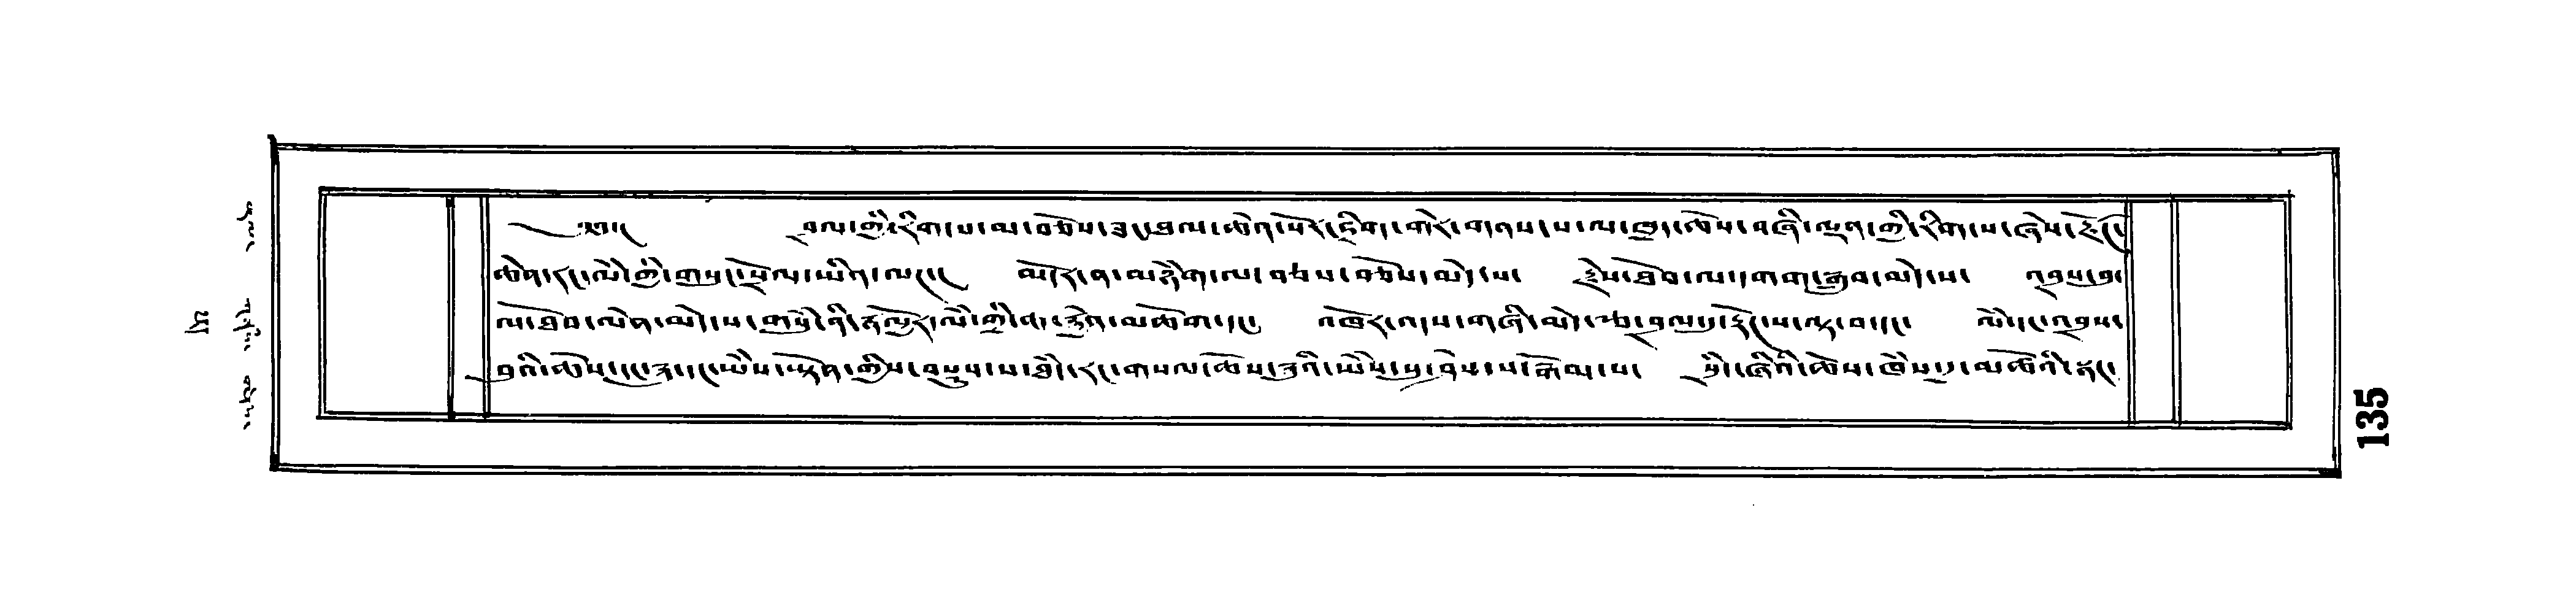བྲལ་གྱི་རིག་པ་མ་བཅོས་ཟང་ཐལ་ཆེན་པོར་ཧྲིག་གེར་གནས་པ་ལ་ཁྱད་ཆོས་བཞི་ལྡན་གྱི་རིག་པ་ཞེས་རྫོགས་
ཆེན་རང་ལམ་གྱི་གསུང་སྲོལ་ཡིན་ལགས། མདོར་ན་མཉམ་བཞག་ལ་བཅས་བཅོས་མེད་པ། རྗེས་ཐོབ་ལ་དགག་སྒྲུབ་མེད་པ། འབྲས་བུ་
ལ་ཐོབ་ལེན་མེད་པ་གསུམ་ནི་རྣལ་འབྱོར་ལམ་གྱི་ཆ་རྐྱེན་མཆོག་དང་། འཁོར་འདས་གཞི་མེད་རྩ་བྲལ་དུ་རྟོགས་པ་ལྟ་བ་དང་། ལམ་དང་འབྲས་
བུའི་ཆོས་དང་སྐུ་དང་ཡེ་ཤེས་ཡོན་ཏན་གྱིས་བསྡུས་པ་ཐམས་ཅད་རང་གསལ་ཆོས་སྐུའི་ཡེ་ཤེས་སུ་ཤེས་པ་སྒོམ་པ། སྲིད་ཞིའི་ཆོས་ཁམས་རྒྱ་མཚོའི་སྣང་